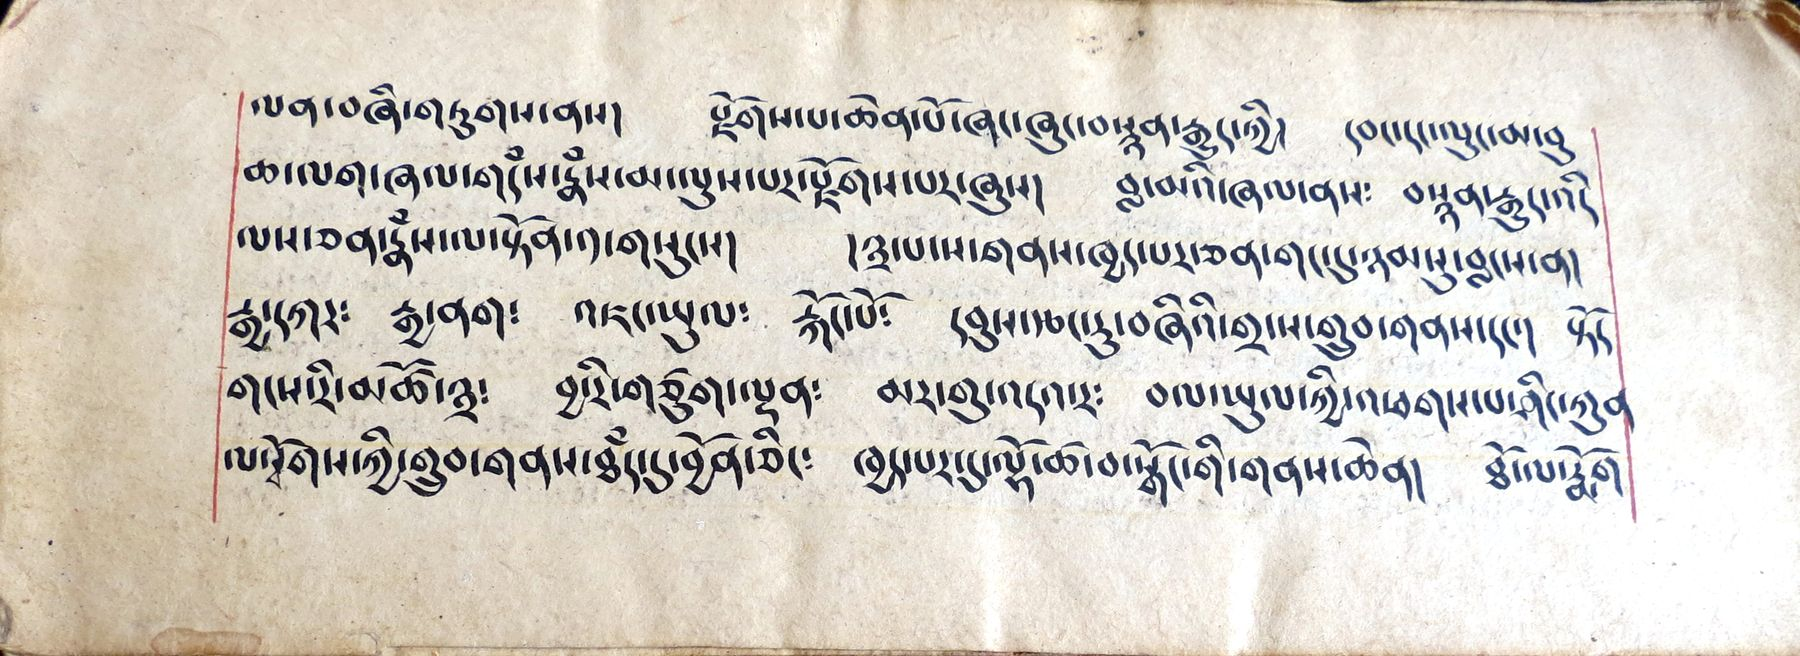ལན་བཞི་གཏུགས་ནས། རྫོགས་པ་ཆེན་པོ་ཞང་ཞུང་སྙན་རྒྱུད་ཀྱི་དབང་དང་ལུང་མ་བུ་
ཆ་ལག་ཞལ་གདམས་རྣམས་མ་ལུས་པ་རྫོགས་པར་ཞུས། བླ་མའི་ཞལ་ནས། སྙན་རྒྱུད་འདི་
ལས་ཅན་རྣམས་ལ་སྟོན་ཅིག་གསུངས། གསུམ་པ་ས་གནས་ཁྱད་པར་ཅན་གང་དུ་ཉམས་སུ་བླང་ན། 
རྒྱ་དཀར་རྒྱ་ནག་འཇང་ཡུལ་རྐོང་པོ་དབུས་གཙང་རུ་བཞིའི་གྲྭ་ས་གྲུབ་གནས་དང་། སྟོད་
གངས་རི་མཚོ་གསུམ། བྱ་རི་གཙུག་ལྡན། མར་གུ་འདའ་ར། བལ་ཡུལ་གྱི་འཕགས་པ་ཤིང་ཀུན་
ལ་སོགས་ཀྱི་གྲུབ་གནས་ཐམས་ཅད་དུ་བྱོན་ཅིང་། ཁྱད་པར་དུ་ལྷོ་ཚ་བ་་སྒང་གི་གནས་ཆེན། ཐོ་ལ་རྨོག་